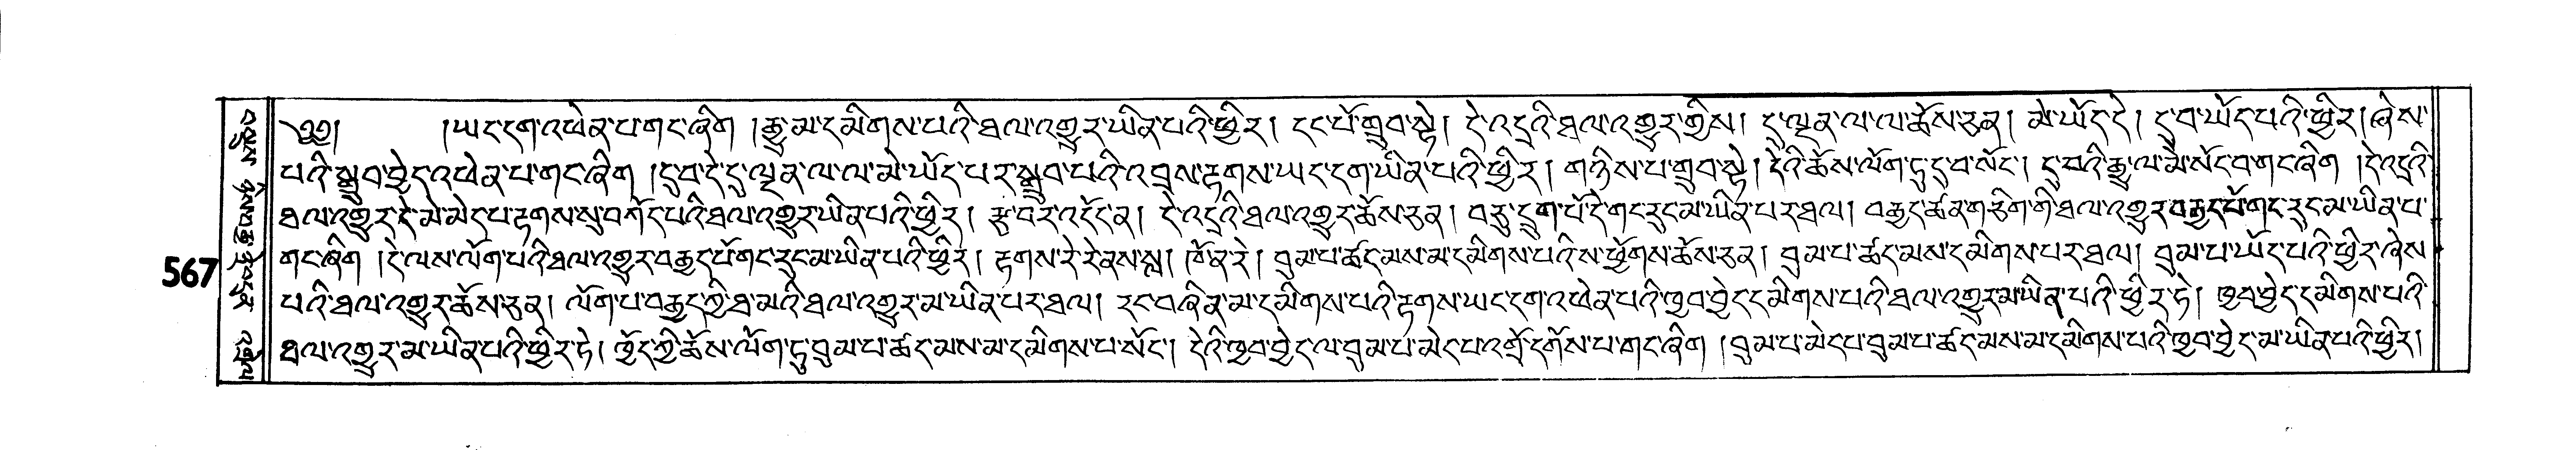༄༅། །ཡང་དག་འཕེན་པ་གང་ཞིག །རྒྱུ་མ་དམིགས་པའི་ཐལ་འགྱུར་ཡིན་པའི་ཕྱིར། དང་པོ་གྲུབ་སྟེ། དེ་འདྲའི་ཐལ་འགྱུར་གྱིས། དུ་ལྡན་ལ་ལ་ཆོས་ཅན། མེ་ཡོད་དེ། དུ་བ་ཡོད་པའི་ཕྱིར། ཞེས་
པའི་སྒྲུབ་བྱེད་འཕེན་པ་གང་ཞིག །དུ་བ་དེ་དུ་ལྡན་ལ་ལ་མེ་ཡོད་པར་སྒྲུབ་པའི་འབྲས་རྟགས་ཡང་དག་ཡིན་པའི་ཕྱིར། གཉིས་པ་གྲུབ་སྟེ། དེའི་ཆོས་ལོག་ཏུ་དུ་བ་སོང་། དུ་བའི་རྒྱུ་ལ་མེ་སོང་བ་གང་ཞིག །དེ་འདྲའི་
ཐལ་འགྱུར་དེ་མེ་མེད་པ་རྟགས་སུ་བཀོད་པའི་ཐལ་འགྱུར་ཡིན་པའི་ཕྱིར། རྩ་བར་འདོད་ན། དེ་འདྲའི་ཐལ་འགྱུར་ཆོས་ཅན། བཅུ་དྲུག་པོ་དེ་གང་རུང་མ་ཡིན་པར་ཐལ། བརྒྱད་ཚན་གཅིག་གི་ཐལ་འགྱུར་བརྒྱད་པོ་གང་རུང་མ་ཡིན་པ་
གང་ཞིག །དེ་ལས་ལོག་པའི་ཐལ་འགྱུར་བརྒྱད་པོ་གང་རུང་མ་ཡིན་པའི་ཕྱིར། རྟགས་རེ་རེ་ནས་སླ། ཁོ་ན་རེ། བུམ་པ་ཚད་མས་མ་དམིགས་པའི་ས་ཕྱོགས་ཆོས་ཅན། བུམ་པ་ཚད་མས་དམིགས་པར་ཐལ། བུམ་པ་ཡོད་པའི་ཕྱིར་ཞེས་
པའི་ཐལ་འགྱུར་ཆོས་ཅན། ལོག་པ་བརྒྱད་ཀྱི་ཐ་མའི་ཐལ་འགྱུར་མ་ཡིན་པར་ཐལ། རང་བཞིན་མ་དམིགས་པའི་རྟགས་ཡང་དག་འཕེན་པའི་ཁྱབ་བྱེད་དམིགས་པའི་ཐལ་འགྱུར་མ་ཡིན་པའི་ཕྱིར་ཏེ། ཁྱབ་བྱེད་དམིགས་པའི་
ཐལ་འགྱུར་མ་ཡིན་པའི་ཕྱིར་ཏེ། ཁྱོད་ཀྱི་ཆོས་ལོག་ཏུ་བུམ་པ་ཚད་མས་མ་དམིགས་པ་སོང་། དེའི་ཁྱབ་བྱེད་ལ་བུམ་པ་མེད་པ་འགྲོ་དགོས་པ་གང་ཞིག །བུམ་པ་མེད་པ་བུམ་པ་ཚད་མས་མ་དམིགས་པའི་ཁྱབ་བྱེད་མ་ཡིན་པའི་ཕྱིར།